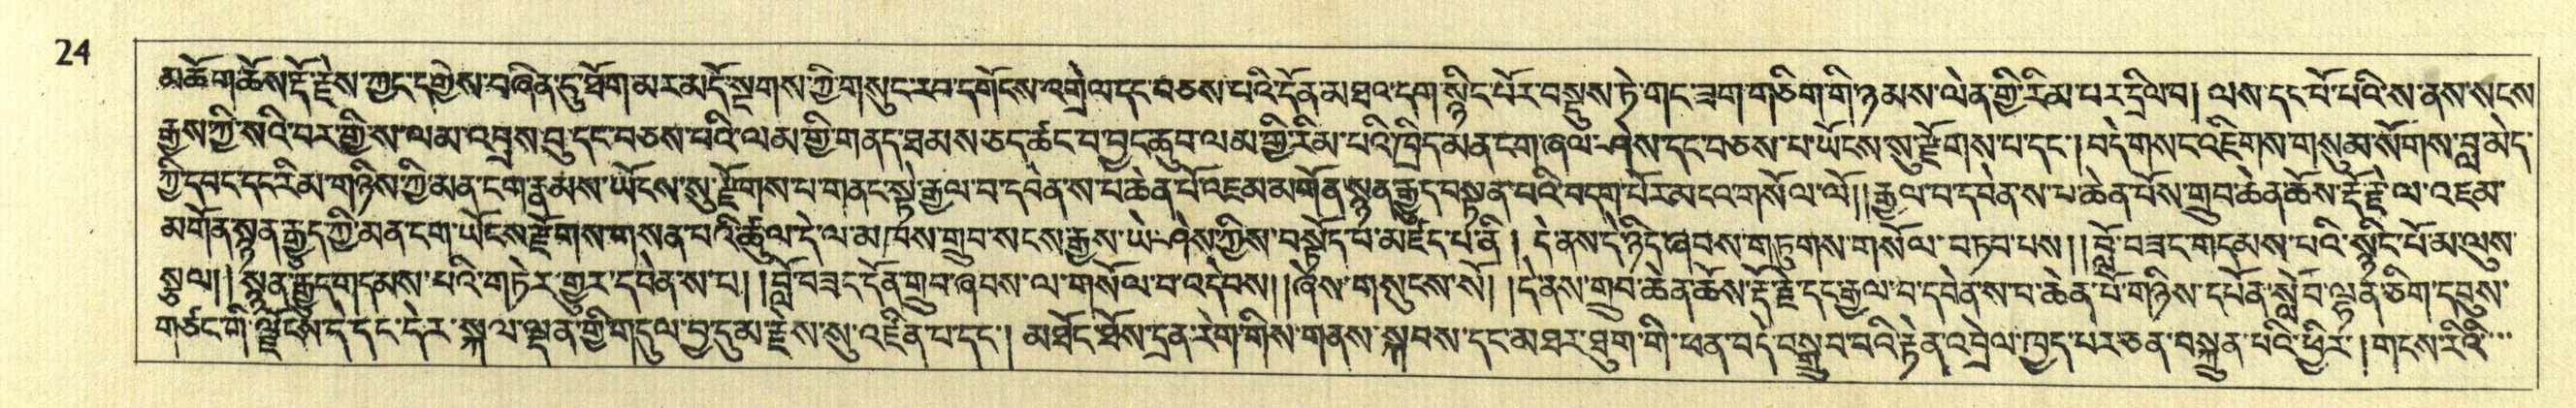མཆོག་ཆོས་རྡོ་རྗེས་ཀྱང་དགྱེས་བཞིན་དུ་ཐོག་མར་མདོ་སྔགས་ཀྱི་གསུང་རབ་དགོངས་འགྲེལ་དང་བཅས་པའི་དོན་མཐའ་དག་སྙིང་པོར་བསྡུས་ཏེ་གང་ཟག་གཅིག་གི་ཉམས་ལེན་གྱི་རིམ་པར་དྲིལ་བ། ལས་དང་པོ་པའི་ས་ནས་སངས་
རྒྱས་ཀྱི་སའི་བར་གྱི་ས་ལམ་འབྲས་བུ་དང་བཅས་པའི་ལམ་གྱི་གནད་ཐམས་ཅད་ཚང་བ་བྱང་ཆུབ་ལམ་གྱི་རིམ་པའི་ཁྲིད་མན་ངག་ཞལ་ཤེས་དང་བཅས་པ་ཡོངས་སུ་རྫོགས་པ་དང་། བདེ་གསང་འཇིགས་གསུམ་སོགས་བླ་མེད་
ཀྱི་དབང་དང་རིམ་གཉིས་ཀྱི་མན་ངག་རྣམས་ཡོངས་སུ་རྫོགས་པ་གནང་སྟེ་རྒྱལ་བ་དབེན་ས་པ་ཆེན་པོ་འཇམ་མགོན་སྙན་རྒྱུད་བསྟན་པའི་བདག་པོར་མངའ་གསོལ་ལོ། །རྒྱལ་བ་དབེན་ས་པ་ཆེན་པོས་གྲུབ་ཆེན་ཆོས་རྡོ་རྗེ་ལ་འཇམ་
མགོན་སྙན་རྒྱུད་ཀྱི་མན་ངག་ཡོངས་རྫོགས་གསན་པའི་ཚུལ་དེ་ལ་མཁས་གྲུབ་སངས་རྒྱས་ཡེ་ཤེས་ཀྱིས་བསྟོད་པ་མཛད་པ་ནི། དེ་ནས་དེ་ཉིད་ཞབས་གཏུགས་གསོལ་བཏབ་པས། །བློ་བཟང་གདམས་པའི་སྙིང་པོ་མ་ལུས་
སྩལ། །སྙན་རྒྱུད་གདམས་པའི་གཏེར་གྱུར་དབེན་ས་པ། །བློ་བཟང་དོན་གྲུབ་ཞབས་ལ་གསོལ་བ་འདེབས། །ཞེས་གསུངས་སོ། །དེ་ནས་གྲུབ་ཆེན་ཆོས་རྡོ་རྗེ་དང་རྒྱལ་བ་དབེན་ས་པ་ཆེན་པོ་གཉིས་དཔོན་སློབ་ལྷན་ཅིག་དབུས་
གཙང་གི་ལྗོངས་དེ་དང་དེར་སྐལ་ལྡན་གྱི་གདུལ་བྱ་དུམ་རྗེས་སུ་འཛིན་པ་དང་། མཐོང་ཐོས་དྲན་རེག་གིས་གནས་སྐབས་དང་མཐར་ཐུག་གི་ཕན་བདེ་བསྒྲུབ་བའི་རྟེན་འབྲེལ་ཁྱད་པར་ཅན་བསྐྲུན་པའི་ཕྱིར། གངས་རིའི་